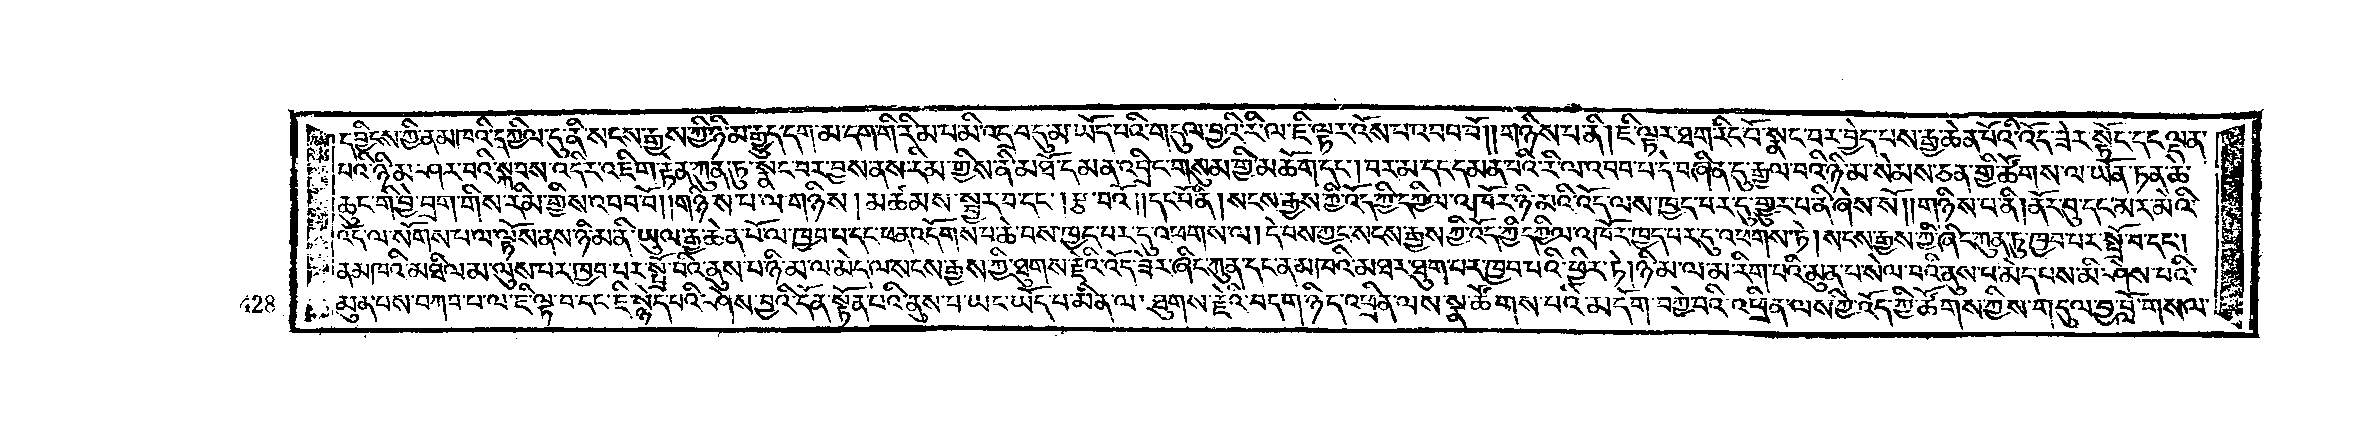དབྱིངས་ཀྱི་ནམ་མཁའི་དཀྱིལ་དུ་ནི་སངས་རྒྱས་ཀྱི་ཉི་མ་རྒྱུད་དག་མ་དག་གི་རིམ་པ་མི་འདྲ་བ་དུ་མ་ཡོད་པའི་གདུལ་བྱའི་རི་ལ་ཇི་ལྟར་འོས་པ་འབབ་བོ། །གཉིས་པ་ནི། ཇི་ལྟར་ཐག་རིང་པོ་སྣང་བར་བྱེད་པས་རྒྱ་ཆེན་པོའི་འོད་ཟེར་སྟོང་དང་ལྡན་
པའི་ཉི་མ་ཤར་བའི་སྐབས་འདིར་འཇིག་རྟེན་ཀུན་ཏུ་སྣང་བར་བྱས་ནས་རིམ་གྱིས་ནི་མཐོ་དམན་འབྲིང་གསུམ་གྱི་མཆོག་དང་། བར་མ་དང་དམན་པའི་རི་ལ་འབབ་པ་དེ་བཞིན་དུ་རྒྱལ་བའི་ཉི་མ་སེམས་ཅན་གྱི་ཚོགས་ལ་ཡོན་ཏན་ཆེ་
ཆུ་གི་བྱེ་བྲག་གིས་རིམ་གྱིས་འབབ་བོ། །གཉིས་པ་ལ་གཉིས། མཚམས་སྦྱར་བ་དང་། རྩ་བའོ། །སངས་རྒྱས་ཀྱི་འོད་ཀྱི་དཀྱིལ་འཁོར་ཉི་མའི་འོད་ལས་ཁྱད་པར་དུ་གྱུར་པ་ནི་ཞེས་སོ། །གཉིས་པ་ནི། ནོར་བུ་དང་མར་མེའི་
འོད་ལ་སོགས་པ་ལ་ལྟོས་ནས་ཉི་མ་ནི་ཡུལ་རྒྱ་ཆེན་པོ་ལ་ཁྱབ་པ་དང་ཕན་འདོགས་པ་ཆེ་བས་ཁྱད་པར་དུ་འཕགས་ལ། དེ་བས་ཀྱང་སངས་རྒྱས་ཀྱི་འོད་ཀྱི་དཀྱིལ་འཁོར་ཁྱད་པར་དུ་འཕགས་ཏེ། སངས་རྒྱས་ཀྱི་ཞིང་ཀུན་ཏུ་ཁྱབ་པར་སྤྲོ་བ་དང་།
ནམ་མཁའི་མཐིལ་མ་ལུས་པར་ཁྱབ་པར་སྤྲོ་བའི་ནུས་པ་ཉི་མ་ལ་མེད་ལ་སངས་རྒྱས་ཀྱི་ཐུགས་རྗེའི་འོད་ཟེར་ཞིང་ཀུན་དང་ནམ་མཁའི་མཐར་ཐུག་པར་ཁྱབ་པའི་ཕྱིར་ཏེ། ཉི་མ་ལ་མ་རིག་པའི་མུན་པ་སེལ་བའི་ནུས་པ་མེད་པས་མི་ཤེས་པའི་
མུན་པས་བཀབ་པ་ལ་ཇི་ལྟ་བ་དང་ཇི་སྙེད་པའི་ཤེས་བྱའི་དོན་སྟོན་པའི་ནུས་པ་ཡང་ཡོད་པ་མིན་ལ་ཐུགས་རྗེའི་བདག་ཉིད་འཕྲིན་ལས་སྣ་ཚོགས་པའི་མདོག་བཀྱེ་བའི་འཕྲིན་ལས་ཀྱི་འོད་ཀྱི་ཚོགས་ཀྱིས་གདུལ་བྱ་བློ་གསལ་